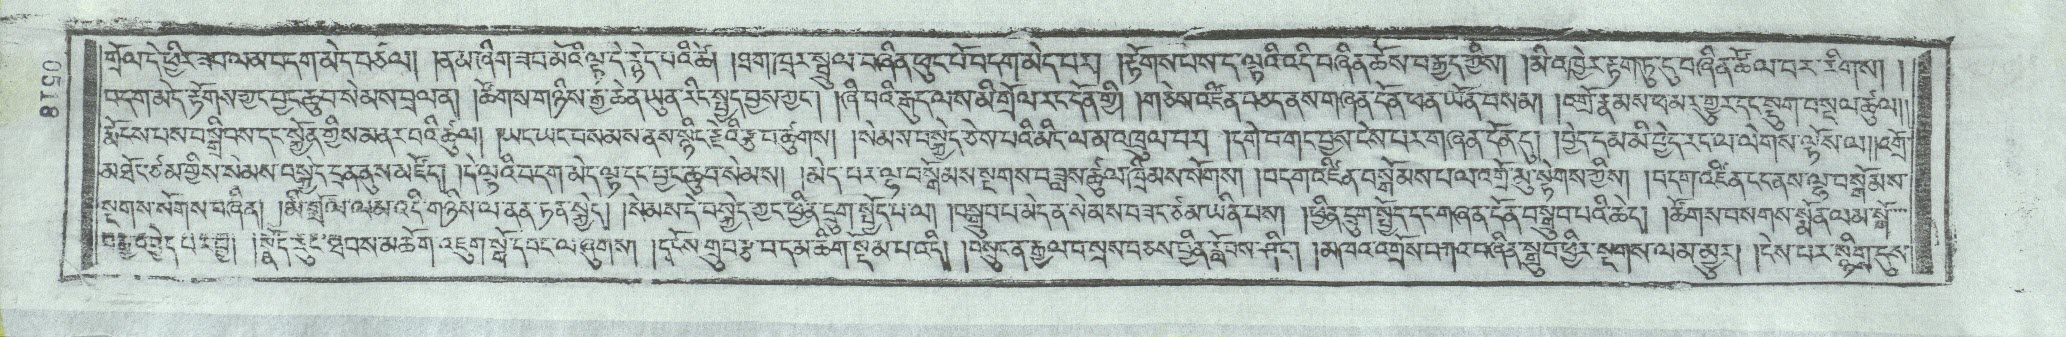གྲོལ་དེ་ཕྱིར་ཟབ་ལམ་བདག་མེད་བཙལ། །ནམ་ཞིག་ཟབ་མོའི་ལྟ་དེ་རྙེད་པའི་ཚེ། །ཐག་ཁྲར་སྦྲུལ་བཞིན་ཕུང་པོ་བདག་མེད་པར། །རྟོགས་པས་ད་ལྟའི་འདི་བཞིན་ཆོས་བརྒྱད་ཀྱིས། །མི་འཁྱེར་རྟག་ཏུ་དུ་བཞིན་ཚོལ་བར་རིགས། །
བདག་མེད་རྟོགས་ཀྱང་བྱང་ཆུབ་སེམས་བྲལ་ན། །ཚོགས་གཉིས་རྒྱ་ཆེན་ཡུན་རིང་སྤྱད་བྱས་ཀྱང་། །ཞི་བའི་རྒུད་ལས་མི་གྲོལ་རང་དོན་གྱི། །གཅེས་འཛིན་བཅད་ནས་གཞན་དོན་ཕན་ཡོན་བསམ། །འགྲོ་རྣམས་ཕ་མར་གྱུར་དང་སྡུག་བསྔལ་ཚུལ། །
རྨོངས་པས་བསྒྲིབས་དང་སྐྱོན་གྱིས་མནར་བའི་ཚུལ། །ཡང་ཡང་བསམས་ནས་སྙིང་རྗེའི་རྩ་བ་ཚུགས། །སེམས་བསྐྱེད་ཅེས་པའི་མིང་ལ་མ་འཁྲུལ་པར། །དགེ་བ་གང་བྱས་ངེས་པར་གཞན་དོན་དུ། །བྱེད་དམ་མི་བྱེད་རང་ལ་ལེགས་ལྟོས་ལ། །འགྲོ་
མཐོང་ཙམ་གྱིས་སེམས་བསྐྱེད་དྲན་ནུས་མཛོད། །དེ་ལྟའི་བདག་མེད་ལྟ་དང་བྱང་ཆུབ་སེམས། །མེད་པར་ལྷ་བསྒོམས་སྔགས་བཟླས་ཚུལ་ཁྲིམས་སོགས། །བདག་འཛིན་བསྒོམས་པ་ལ་འགྲོ་མུ་སྟེགས་ཀྱིས། །བདག་འཛིན་ངང་ནས་ལྟ་བསྒོམས་
སྔགས་སོགས་བཞིན། །མི་གྲོལ་ལམ་འདི་གཉིས་ལ་ནན་ཏན་སྐྱེད། །སེམས་དེ་བསྐྱེད་ཀྱང་ཕྱིན་དྲུག་སྤྱོད་པ་ལ། །བསྒྲུབ་པ་མེད་ན་སེམས་བཟང་ཙམ་ཡིན་པས། །ཕྱིན་དྲུག་སྤྱོད་དང་གཞན་དོན་བསྒྲུབ་པའི་ཆེད། །ཚོགས་བསགས་སྨོན་ལམ་སྒོ་
བརྒྱ་འབྱེད་པར་བྱ། །སྣོད་རུང་ཐབས་མཆོག་འཇུག་སྒོ་དབང་ལ་ཞུགས། །དངོས་གྲུབ་རྩ་བ་དམ་ཚིག་སྡོམ་པ་འདི། །བསྲུང་ན་རྒྱལ་བ་སྲས་བཅས་བྱིན་རློབས་ཤིང་། །མཁའ་འགྲོས་བཀའ་བཞིན་སྒྲུབ་ཕྱིར་སྔགས་ལམ་མྱུར། །དེས་པར་སྙིགས་དུས་